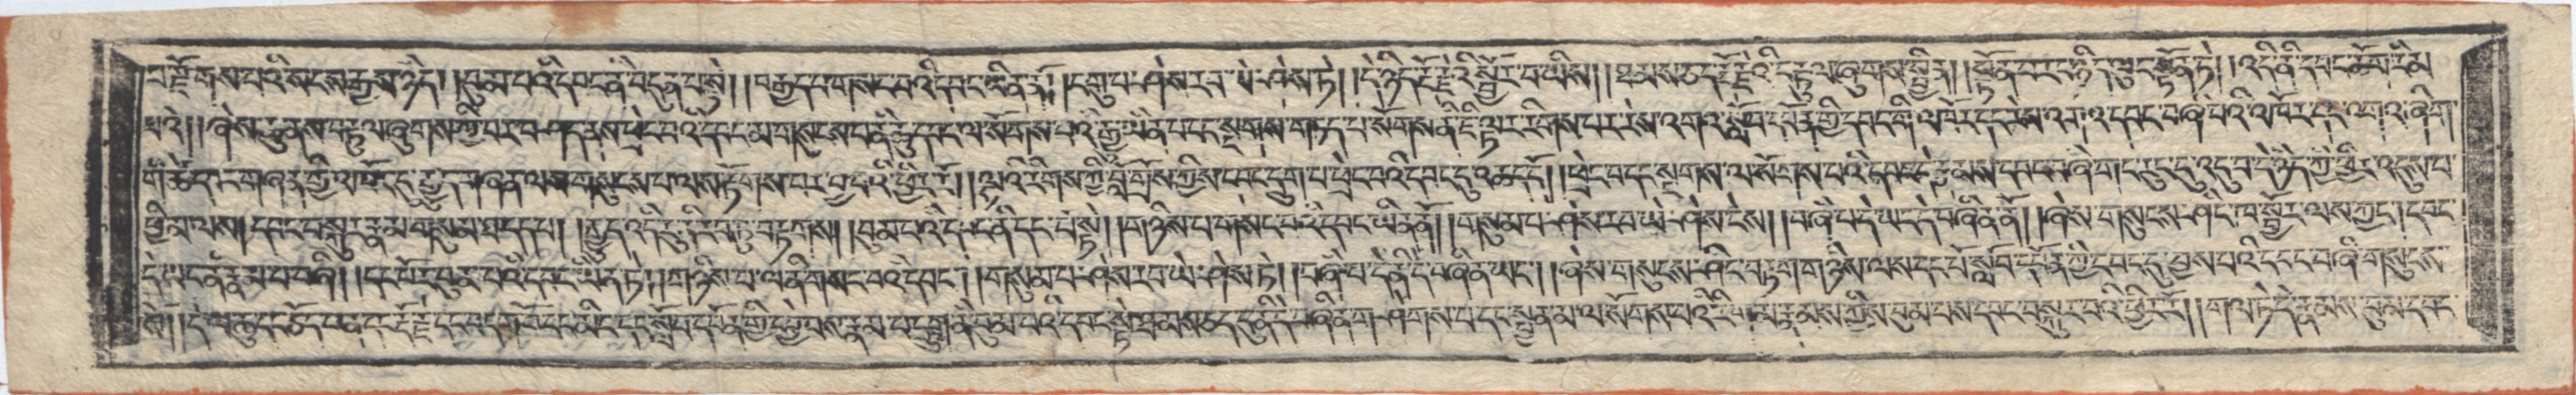པ་རྫོགས་པའི་སངས་རྒྱས་ཉིད། །བུམ་པའི་དབང་ནི་བདུན་པ་སྟེ། །བརྒྱད་པ་གསང་བའི་དབང་ཡིན་ནོ། །དགུ་པ་ཤེས་རབ་ཡེ་ཤེས་ཏེ། །དེ་ཉིད་རྡོ་རྗེའི་སྦྱོར་བ་ཡིས། །ཐམས་ཅད་རྡོ་རྗེའི་བརྟུལ་ཞུགས་སྦྱིན། །སྟོན་པ་རང་ཉིད་ལུང་སྟོན་ཏེ། །འདི་ནི་དབང་ཆོག་རིམ་
པའོ། །ཞེས་ཆུ་ནས་བརྟུལ་ཞུགས་ཀྱི་བར་བཤད་ནས་ཕྲེང་བའི་དབང་མ་གསུངས་པ་ནི་ཆུ་དབང་ལ་སོགས་པའི་རྒྱུ་ཡིན་པ་དང་སྔགས་གཏད་པ་སོགས་པ་ནི་ཇི་ལྟར་རིགས་པར་རེས་འགའ་སློབ་དཔོན་གྱི་དབང་གི་འཁོར་དང་རེས་འགའ་དབང་བཞི་པའི་འཁོར་དང་འགའ་ཞིག་
གི་ཚེ་དབང་གཞན་གྱི་འཁོར་དུ་རྒྱུད་གཞན་ལས་གསུངས་པ་ལས་རྟོགས་པར་བྱ་བའི་ཕྱིར་རོ། །ལྷའི་རིགས་ཀྱི་བློ་གྲོས་ཀྱིས་དབང་དྲུག་པ་ཕྲེང་བའི་དབང་དུ་འཆད་དོ། །ཕྲེང་བ་དང་སྔགས་ལ་སོགས་པའི་དབང་དེ་རྣམས་དབང་བཞི་གང་རུང་དུ་འདུ་བ་དེ་ཉིད་ཀྱི་ཕྱིར་འདུས་པ་
ཕྱི་མ་ལས། དབང་བསྐུར་རྣམ་གསུམ་ཐ་དད་པ། །རྒྱུད་འདི་རུ་ནི་རབ་ཏུ་བརྟགས། །བུམ་པའི་དབང་ནི་དང་པོ་སྟེ། །གཉིས་པ་གསང་བའི་དབང་ཡིན་ནོ། །གསུམ་པ་ཤེས་རབ་ཡེ་ཤེས་ངེས། །བཞི་པ་དེ་ཡང་དེ་བཞིན་ནོ། །ཞེས་གསུངས་ཤིང་ཁ་སྦྱོར་ལས་ཀྱང་། དབང་
དེ་ཡང་ནི་རྣམ་པ་བཞི། །དང་པོར་བུམ་པའི་དབང་ཡིན་ཏེ། །གཉིས་པ་ལ་ནི་གསང་བའི་དབང་། །གསུམ་པ་ཤེས་རབ་ཡེ་ཤེས་ཏེ། །བཞི་པ་དེ་ནི་དེ་བཞིན་ཡང་། །ཞེས་གསུངས་ཤིང་བརྟག་གཉིས་ལས་དང་པོ་སློབ་དཔོན་ཀྱི་དབང་དུ་བྱས་པའི་དབང་བཞི་གསུངས་
སོ། །དེ་ལ་ཆུ་དང་ཅོད་པན་དང་རྡོ་རྗེ་དང་བདག་པོ་དང་མིང་དང་སློབ་དཔོན་གྱི་དབྱེ་བས་རྣམ་པ་དྲུག་ནི་བུམ་པའི་དབང་སྟེ་ཐམས་ཅད་དུ་ནི་དེ་བཞིན་གཤེགས་པ་དང་སྤྱན་མ་ལ་སོགས་པའི་རིག་མ་རྣམས་ཀྱིས་བུམ་པས་དབང་བསྐུར་བའི་ཕྱིར་རོ། །གལ་ཏེ་དེ་རྣམས་བུམ་དབང་